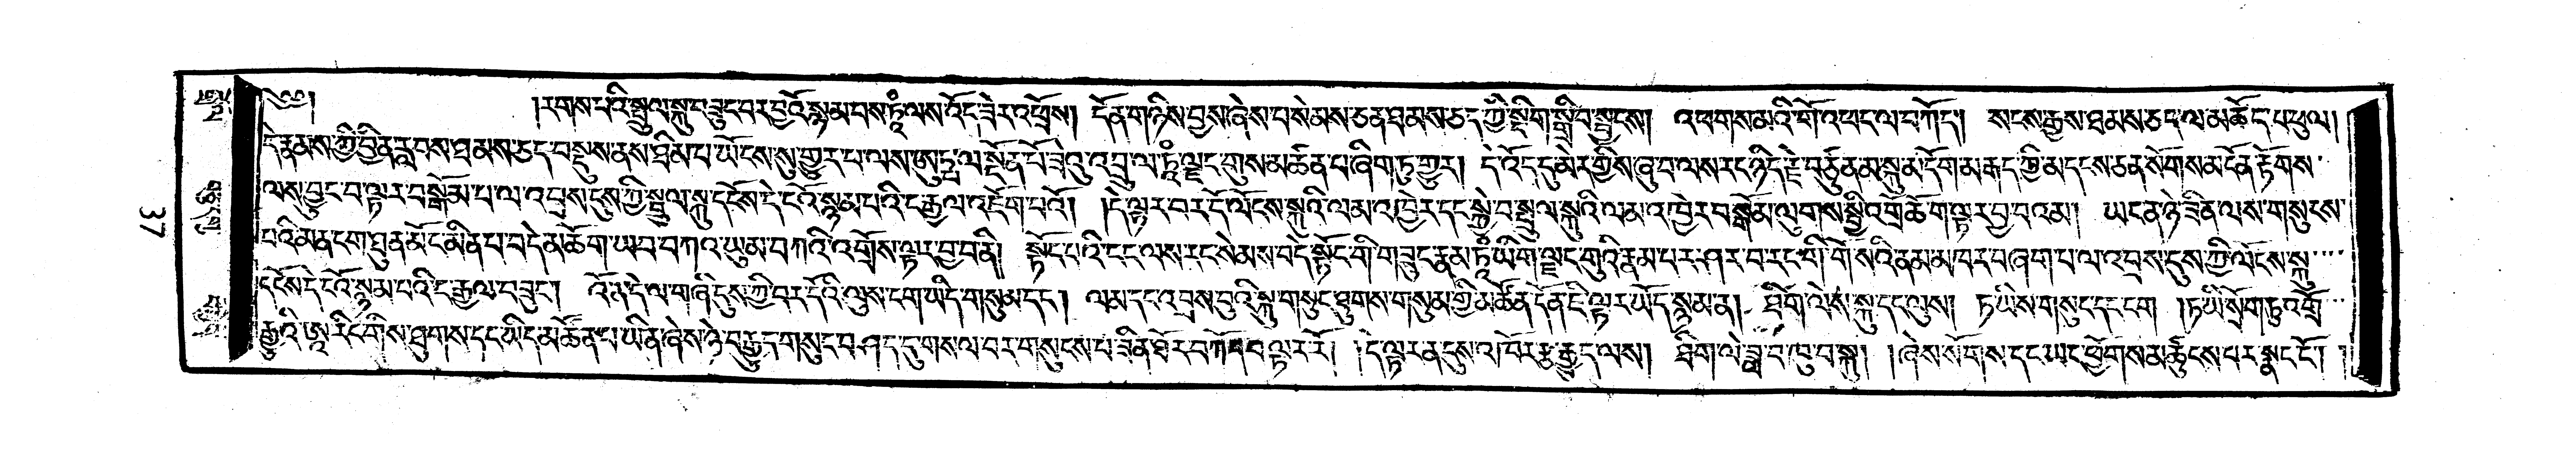༄༅། །རགས་པའི་སྤྲུལ་སྐུ་བཟུང་བར་བྱའོ་སྙམ་པས་ཏཱཾ་ལས་འོད་ཟེར་འཕྲོས། དོན་གཉིས་བྱས་ཞེས་པ་སེམས་ཅན་ཐམས་ཅད་ཀྱི་སྡིག་སྒྲིབ་སྦྱངས། འཕགས་མའི་གོ་འཕང་ལ་བཀོད། སངས་རྒྱས་ཐམས་ཅད་ལ་མཆོད་པ་ཕུལ།
དེ་རྣམས་ཀྱི་བྱིན་རླབས་ཐམས་ཅད་བསྡུས་ནས་ཐིམ་པ་ཡོངས་སུ་གྱུར་པ་ལས་ཨུཏྤ་ལ་སྔོན་པོ་ཟེའུ་འབྲུ་ལ་ཏཱཾ་ལྗང་གུས་མཚན་པ་ཞིག་ཏུ་གྱུར། དེ་འོད་དུ་མེར་གྱིས་ཞུ་བ་ལས་རང་ཉིད་རྗེ་བཙུན་མ་སྐུ་མདོག་མ་རྒད་ཀྱི་མདངས་ཅན་སོགས་མངོན་རྟོགས་
ལས་བྱུང་བ་ལྟར་བསྒོམ་པ་ལ་འབྲས་དུས་ཀྱི་སྤྲུལ་སྐུ་དངོས་དེ་ངའོ་སྙམ་པའི་ང་རྒྱལ་འཇོག་པའོ། །དེ་ལྟར་བར་དོ་ལོངས་སྐུའི་ལམ་འཁྱེར་དང་སྐྱེ་བ་སྤྲུལ་སྐུའི་ལམ་འཁྱེར་བསྒོམ་ལུགས་སྤྱི་འགྲོ་ཆོ་ག་ལྟར་བྱ་བའམ། ཡང་ན་ཉེ་ཟིན་ལས་གསུངས་
པའི་མན་ངག་ཐུན་མོང་མིན་པ་བདེ་མཆོག་ཡབ་བཀའ་ཡུམ་བཀའི་འགྲོས་ལྟར་བྱ་བ་ནི། སྟོང་པའི་ངང་ལས་རང་སེམས་བདེ་སྟོང་གི་གཟུང་རྣམ་ཏཱཾ་ཡིག་ལྗང་གུའི་རྣམ་པར་ཤར་བ་རང་གི་གོ་སའི་ནམ་མཁར་བཞག་པ་ལ་འབྲས་དུས་ཀྱི་ལོངས་སྐུ་
དངོས་དེ་ངའོ་སྙམ་པའི་ང་རྒྱལ་བཟུང་། འོ་ན་དེ་ལ་གཞི་དུས་ཀྱི་བར་དོའི་ལུས་ངག་ཡིད་གསུམ་དང་། ལམ་དང་འབྲས་བུའི་སྐུ་གསུང་ཐུགས་གསུམ་གྱི་མཚོན་དོན་ཇི་ལྟར་ཡོད་སྙམ་ན། ཐིག་ལེས་སྐུ་དང་ལུས། ཏས་གསུང་དང་ངག །ཏའི་སྲོག་ཏུ་འགྲོ་
རྒྱུའི་ཨཱ་རིང་གིས་ཐུགས་དང་ཡིད་མཚོན་པ་ཡིན་ཞེས་ཉེ་བརྒྱུད་གསུང་བཤད་དུ་གསལ་བར་གསུངས་པ་ཟིན་ཐོར་བཀོད་པ་ལྟར་རོ། །དེ་ལྟར་ན་དུས་འཁོར་རྩ་རྒྱུད་ལས། ཐིག་ལེ་ཟླ་བ་ཁུ་བ་སྐུ། །ཞེས་སོགས་དང་ཡང་ཕྱོགས་མཚུངས་པར་སྣང་ངོ། །